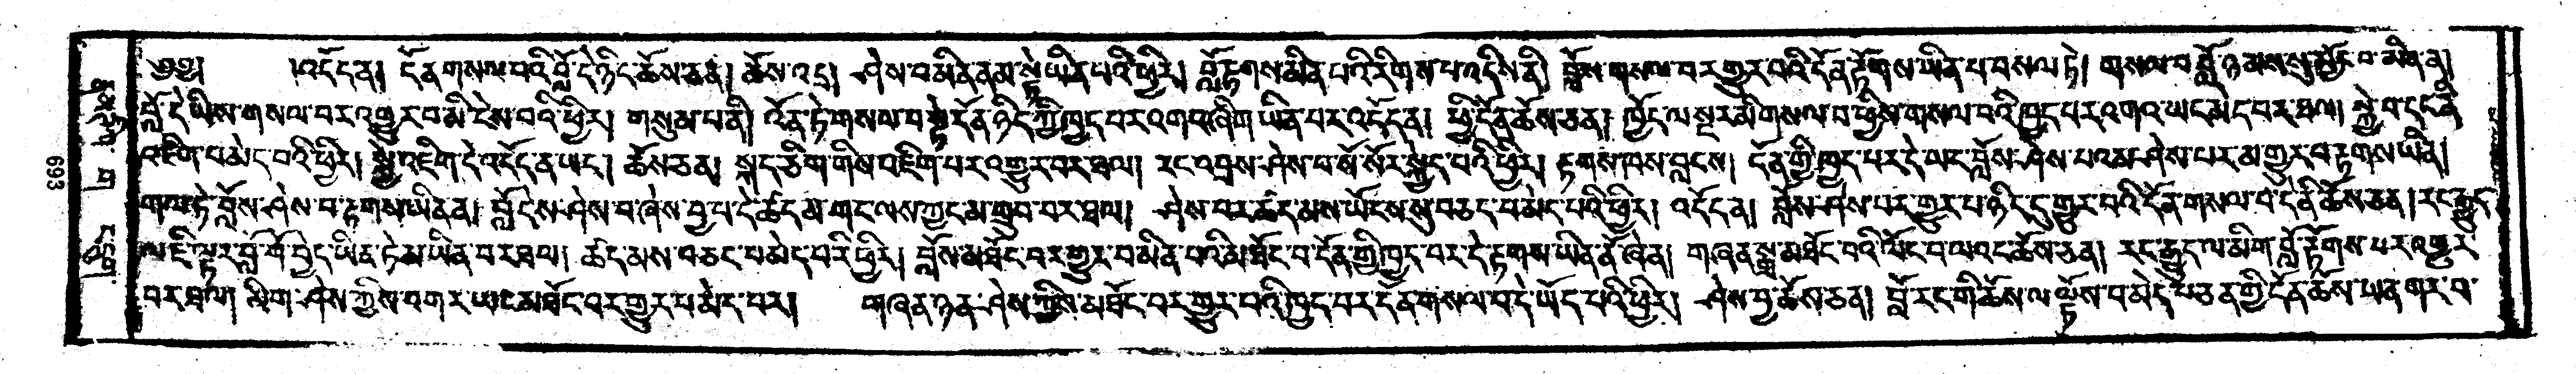༄༅། །འདོད་ན། དོན་གསལ་བའི་བློ་དེ་ཉིད་ཆོས་ཅན། ཆོས་འདྲ། ཤེས་བ་མིན་ནམ་སྟེ་ཡིན་པའི་ཕྱིར། བློ་རྟགས་མིན་པའི་རིགས་པ་འདིས་ནི། བློས་གསལ་བར་གྱུར་བའི་དོན་རྟོགས་ཡིན་པ་བསལ་ཏེ། གསལ་བ་བློ་ཉམས་སུ་མྱོང་བ་མིན་ན།
བློ་དེ་ཡིས་གསལ་བར་འགྱུར་བ་མི་ངེས་པའི་ཕྱིར། གསུམ་པ་ནི། འོན་ཏེ་གསལ་བ་སྟེ་དོན་ཉིད་ཀྱི་ཁྱད་པར་འགའ་ཞིག་ཡིན་པར་འདོད་ན། ཕྱི་དོན་ཆོས་ཅན། ཁྱོད་ལ་སྔར་མི་གསལ་བ་ཕྱིས་གསལ་བའི་ཁྱད་པར་འགའ་ཡང་མེད་པར་ཐལ། སྐྱེ་བ་དང་ནི་
འཇིག་པ་མེད་བའི་ཕྱིར། སྐྱེ་འཇིག་དེ་འདོད་ན་ཡང་། ཆོས་ཅན། སྐད་ཅིག་གིས་འཇིག་པར་འགྱུར་བར་ཐལ། རང་འབྲས་ཤེས་པ་སོ་སོར་སྐྱེད་པའི་ཕྱིར། རྟགས་ཁས་བླངས། དོན་གྱི་ཁྱད་པར་དེ་ཡང་བློས་ཤེས་པའམ་ཤེས་པར་མ་གྱུར་པ་རྟགས་ཡིན།
གལ་ཏེ་བློས་ཤེས་བ་རྟགས་ཡིན་ན། བློ་ངེས་ཤེས་པ་ཞེས་བྱ་པ་དེ་ཚད་མ་གང་ལས་ཀྱང་མ་གྲུབ་བར་ཐལ། ཤེས་བར་ཚད་མས་ཡོངས་སུ་བཅད་པ་མེད་པའི་ཕྱིར། འདོད་ན། བློས་ཤེས་པར་གྱུར་པ་ཉིད་དུ་གྱུར་པའི་དོན་གསལ་བ་དེ་ནི་ཆོས་ཅན། རང་རྒྱུད་
ལ་ཇི་ལྟར་བློ་གོ་བྱེད་ཡིན་ཏེ་མ་ཡིན་བར་ཐལ། ཚད་མས་བཅང་པ་མེད་པ་རི་ཕྱིར། བློས་མཐོང་བར་གྱུར་བ་མིན་པའི་མཐོང་བ་དོན་གྱི་ཁྱད་བར་དེ་རྟགས་ཡིན་ནོ་ཞེ་ན། གཞན་སྒྲ་མཐོང་བའོ་ལོང་བ་ལའང་ཆོས་ཅན། རང་རྒྱུད་ལ་མིག་བློ་རྟོགས་པར་འགྱུར་
བར་ཐལ། མིག་ཤེས་ཀྱིས་བ་གར་ཡང་མཐོང་བར་གྱུར་པ་མེད་པར། གཞན་ཉན་ཤེས་ཀྱིས་མཐོང་བར་གྱུར་བའི་ཁྱད་པར་དོན་གསལ་བ་དེ་ཡོད་པའི་ཕྱིར། ཤེས་བྱ་ཆོས་ཅན། བློ་རང་གི་ཆོས་ལ་ལྟོས་བ་མེད་པ་ཅན་གྱི་དོན་ཆོས་ཡན་གར་བ་